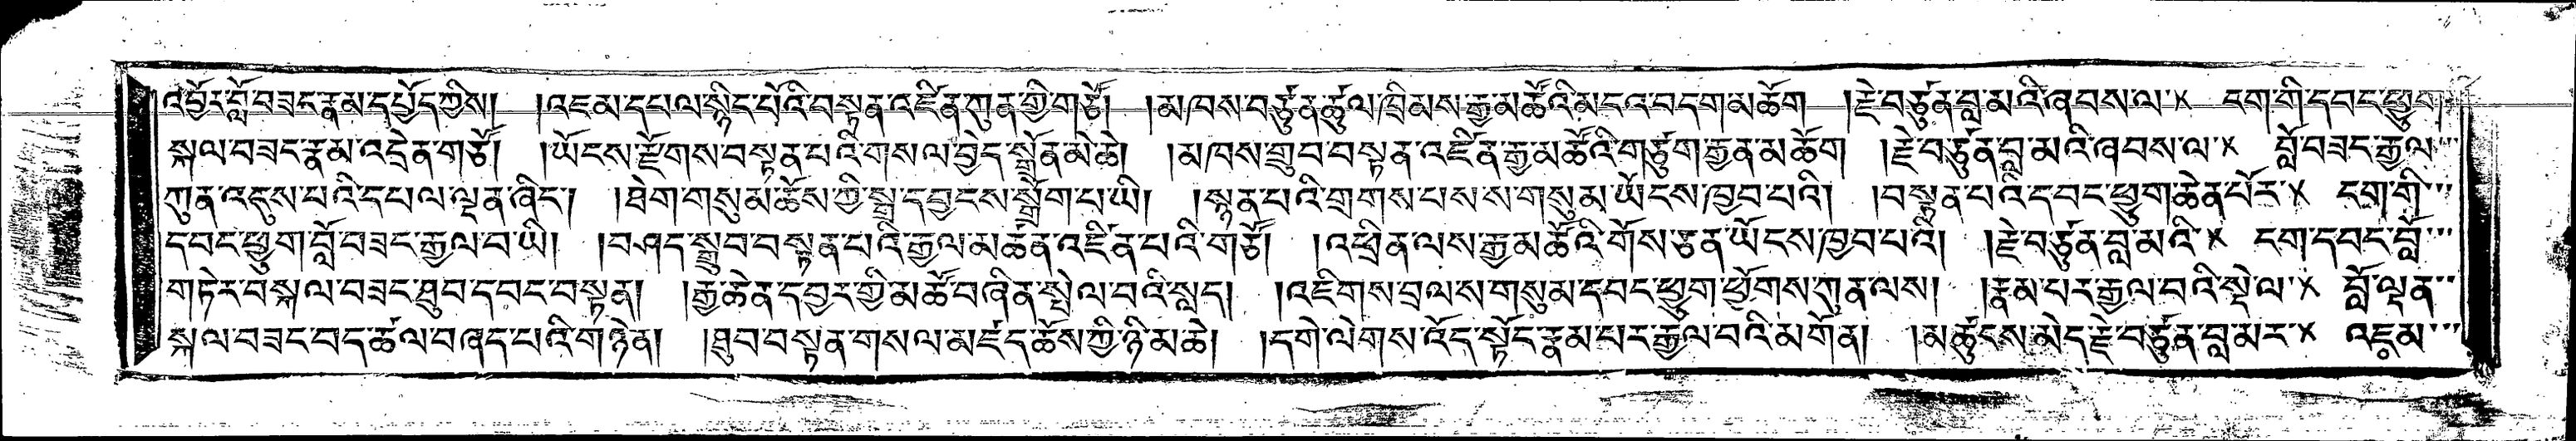འབྱོར་བློ་བཟང་རྣམ་དཔྱོད་ཀྱིས། །འཇམ་དཔལ་སྙིང་པོའི་བསྟན་འཛིན་ཀུན་གྱི་གཙོ། །མཁས་བཙུན་ཚུལ་ཁྲིམས་རྒྱ་མཚོའི་མངའ་བདག་མཆོག །རྗེ་བཙུན་བླ་མའི་ཞབས་ལ་{྾}་ངག་གི་དབང་ཕྱུག་
སྐལ་བཟང་རྣམ་འདྲེན་གཙོ། །ཡོངས་རྫོགས་བསྟན་པའི་གསལ་བྱེད་སྒྲོན་མེ་ཆེ། །མཁས་གྲུབ་བསྟན་འཛིན་རྒྱ་མཚོའི་གཙུག་རྒྱན་མཆོག །རྗེ་བཙུན་བླ་མའི་ཞབས་ལ་{྾}་བློ་བཟང་རྒྱལ་
ཀུན་འདུས་པའི་དཔལ་ལྡན་ཞིང་། །ཐེག་གསུམ་ཆོས་ཀྱི་སྒྲ་དབྱངས་སྒྲོག་པ་ཡི། །སྙན་པའི་གྲགས་པས་ས་གསུམ་ཡོངས་ཁྱབ་པའི། །བསྟན་པའི་དབང་ཕྱུག་ཆེན་པོར་{྾}་ངག་གི་
དབང་ཕྱུག་བློ་བཟང་རྒྱལ་བ་ཡི། །བཤད་སྒྲུབ་བསྟན་པའི་རྒྱལ་མཚན་འཛིན་པའི་གཙོ། །འཕྲིན་ལས་རྒྱ་མཚོའི་གོས་ཅན་ཡོངས་ཁྱབ་པའི། །རྗེ་བཙུན་བླ་མའི་{྾}་ངག་དབང་བློ་
གཏེར་བསྐལ་བཟང་ཐུབ་དབང་བསྟན། །རྒྱ་ཆེན་དབྱར་གྱི་མཚོ་བཞིན་སྤེལ་བའི་སླད། །འཇིགས་བྲལ་ས་གསུམ་དབང་ཕྱུག་ཕྱོགས་ཀུན་ལས། །རྣམ་པར་རྒྱལ་བའི་སྡེ་ལ་{྾}་བློ་ལྡན་
སྐལ་བཟང་བད་ཚལ་བཞད་པའི་གཉེན། །ཐུབ་བསྟན་གསལ་མཛད་ཆོས་ཀྱི་ཉི་མ་ཆེ། །དགེ་ལེགས་འོད་སྟོང་རྣམ་པར་རྒྱལ་བའི་མགོན། །མཚུངས་མེད་རྗེ་བཙུན་བླ་མར་{྾}་འཇམ་